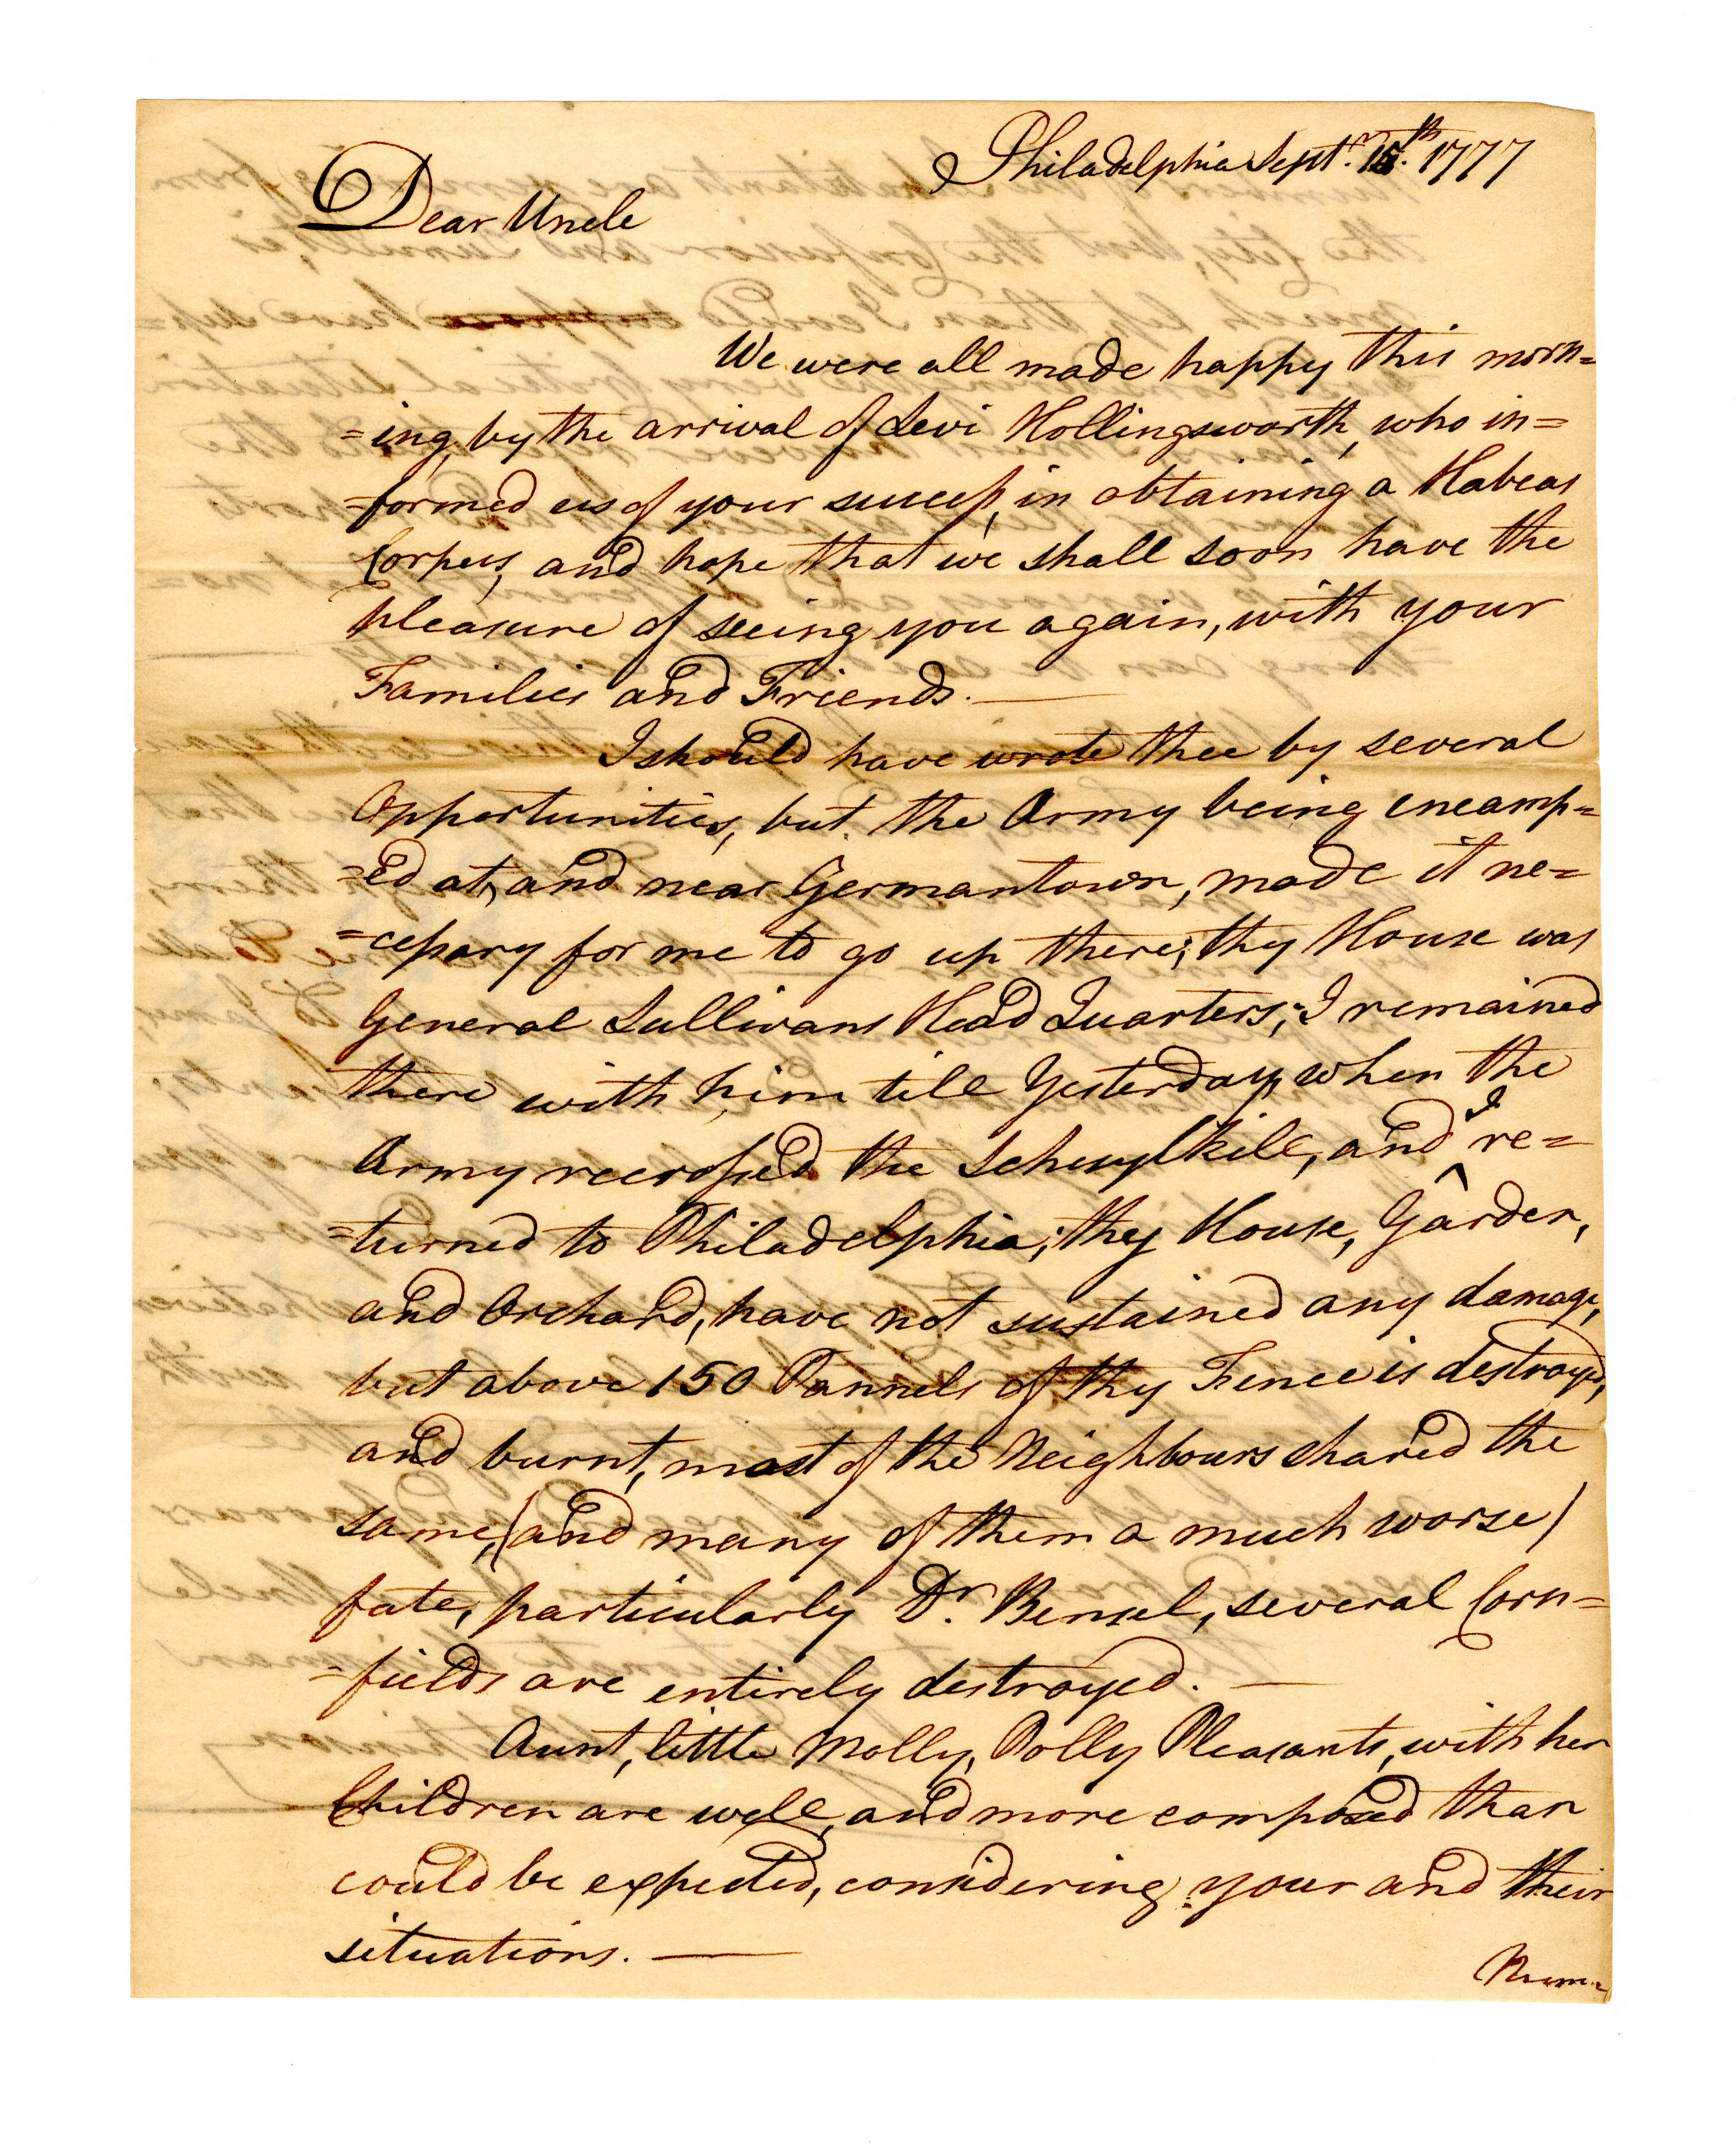Philadelphia Sept^r. 15^th. 1777
Dear Uncle
We were all made happy this morn-
-ing, by the arrival of Levi Hollingsworth, who in-
-formed us of your success, in obtaining a Habeas
Corpus, and hope that we shall soon have the
pleasure of seeing you again, with your
Families and Friends.-
I should have wrote thee by several
Opportunities, but the Army being encamp-
-ed at, and near Germantown, made it ne-
-cessary for me to go up there; thy House was
General Sullivans Head Quarters; I remained
there with him till Yesterday, when the
I
Army recrossed the Schuylkill, and ^ re-
-turned to Philadelphia; thy House, Garden,
and Orchard, have not sustained any damage,
but above 150 Pannels of thy Fence is destroyd,
and burnt, most of the Neighbours shared the
same, (and many of them a much worse)
fate, particularly D^r. Bensel, several Corn-
-fields are entirely destroyed.-
Aunt, little Molly, Polly Pleasants, with her
Children are well, and more composed than
could be expected, considering your and their
situations.-
Num